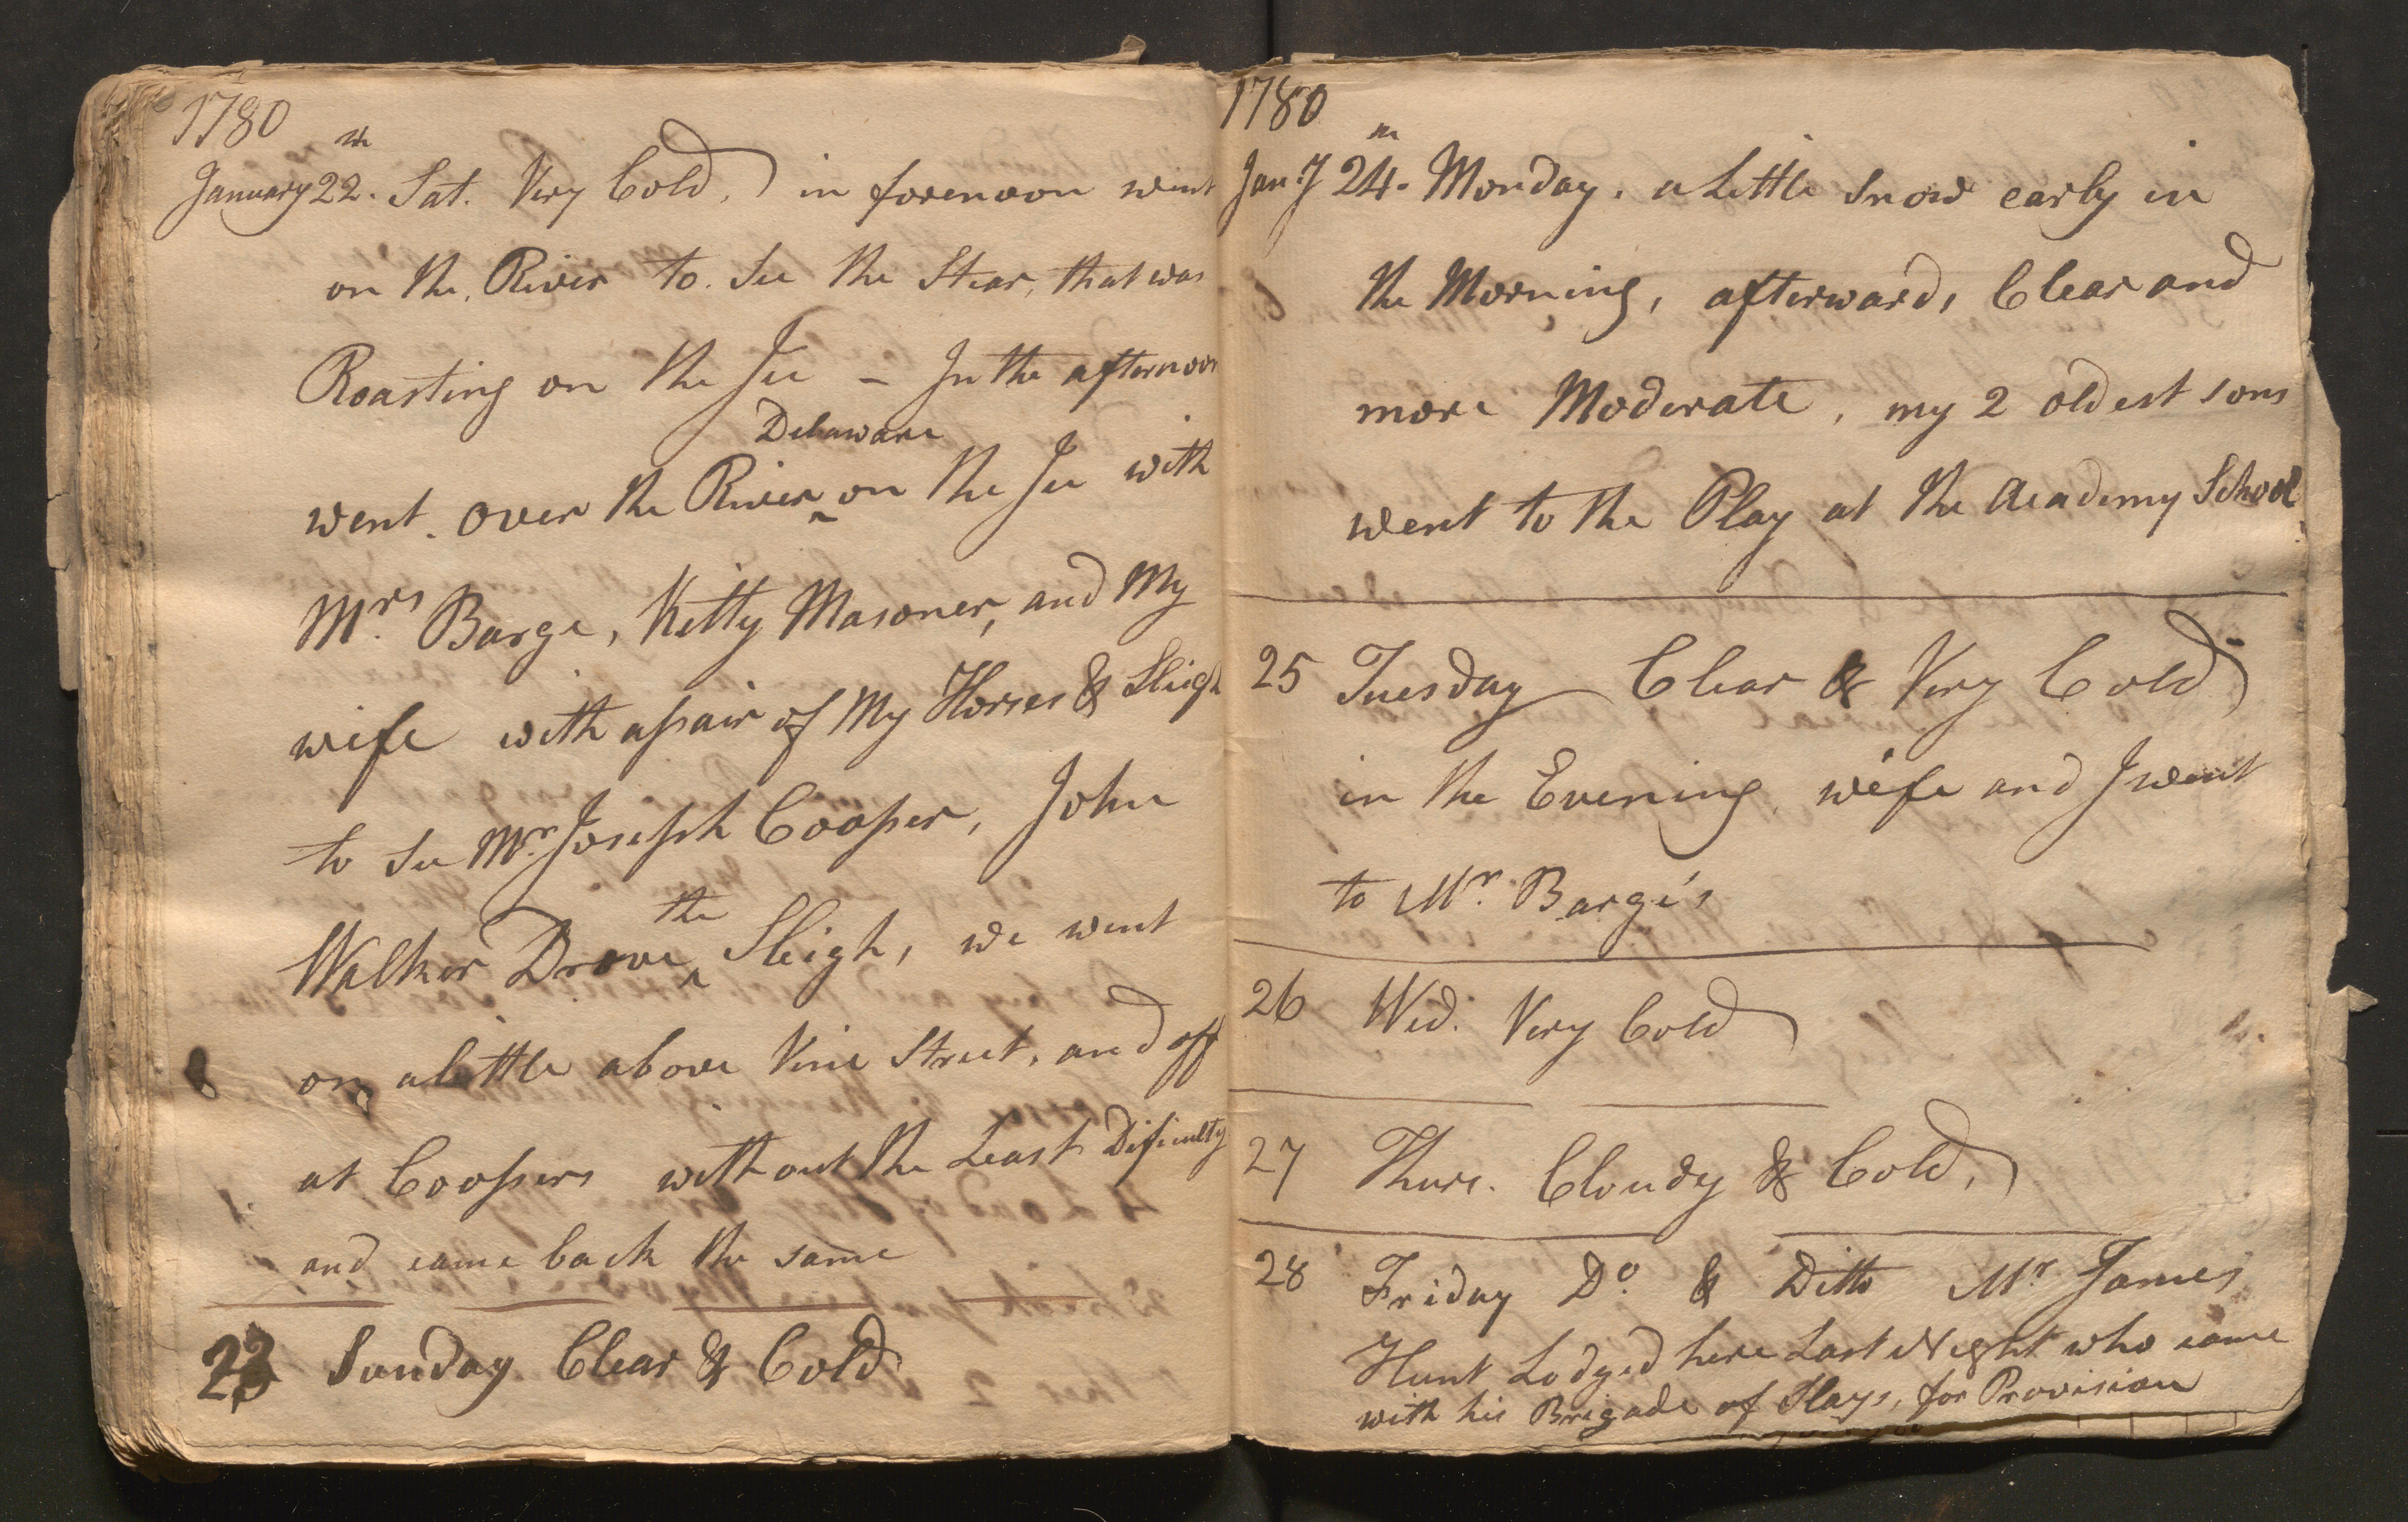1780
January 22^th. Sat. Very Cold, in forenoon went
on the River to see the Stear, that was
Roasting on the Ice- In the afternoon
Delaware
went. over the River on the Ice with
M^rs. Barge, Kitty Masoner and My
wife with a pair of My Horses & Sleigh
to see M^r Joseph Cooper, John
the
Walker Drove ^ Sleighs, we went
on a little above Vine Street, and off
at Coopers with out the Least Dificulty
and came back the same
28 Sunday Clear & Cold
1780
Jan^y 24^th. Monday, a Little snow early in
the Morning, afterward, Clear and
more Moderate, my 2 oldest sons
went to the Play at the Academy School
25 Tuesday- Clear & Very Cold
in the Evening wife and went
to M^r. Barges
26 Wed. Very Cold
27 Thurs. Cloudy & Cold,
28 Friday D^o. & Ditto M^r. James
Hunt Lodged here Last Night who came
with his Brigade of Slays, for Provision